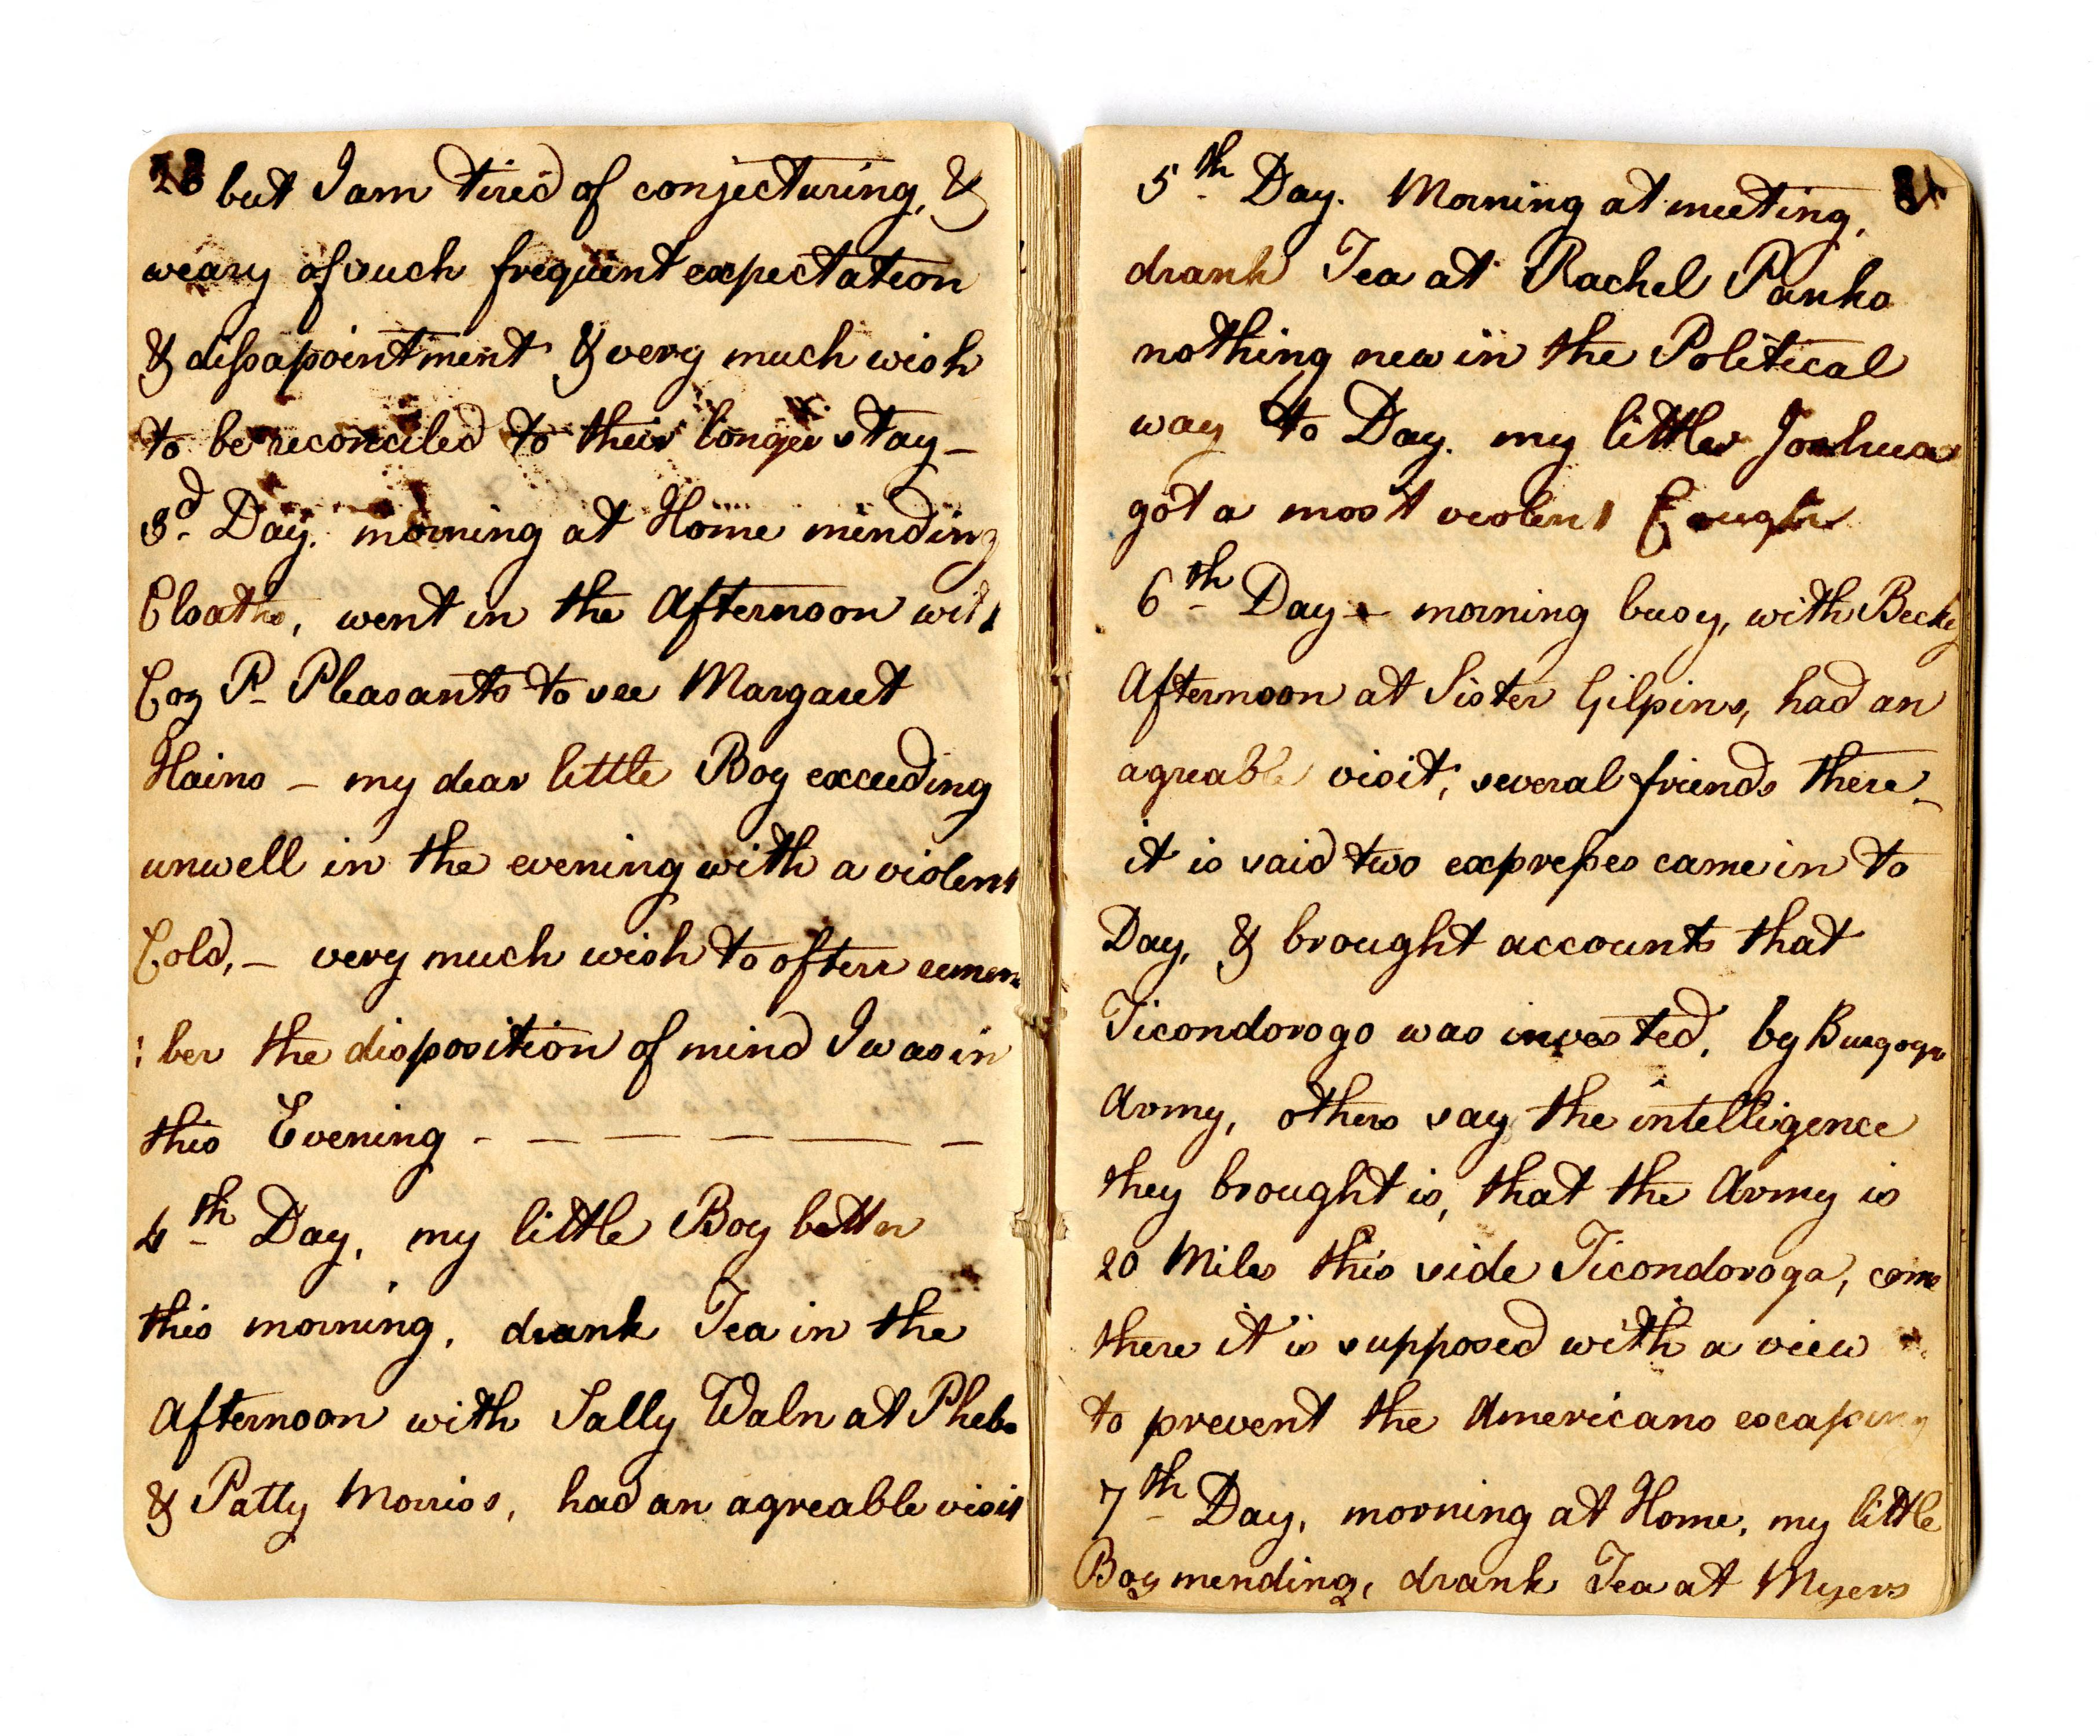but I am tired of conjecturing, &
weary of such frequent expectation
& dissapointment & very much wish
to be reconciled to their longer stay -
3^d Day. morning at Home mending
Cloaths, went in the Afternoon will
Coz P. Pleasants to see Margaret
Hains- my dear little Boy exceeding
unwell in the evening with a violent
Cold,- very much wish to often remem
-ber the disposition of mind I was in
this Evening--
4^th Day, my little Boy better
this morning, drank Tea in the
Afternoon with Sally Waln at Phebe
& Patty Morriss, had an agreable visit
5^th Day. Morning at meeting,
drank Tea at Rachel Parks
nothing new is the Political
way to Day. my little Joshua
got a most violent Cough
6^th Day- morning busy, with Becky
Afternoon at Sister Gilpins, had an
agreable visit, several friends there-
it is said two expresses came in to
Day, & brought accounts that
Ticondorogo was invested, by Burgoyn
Army, others say the intelligence
they brought is, that the Army is
20 Miles this side Ticondoroga, come
there it is supposed with a view
to prevent the Americans escaping
7^th Day, morning at Home, my little
Boy mending, drank Tea at Myers